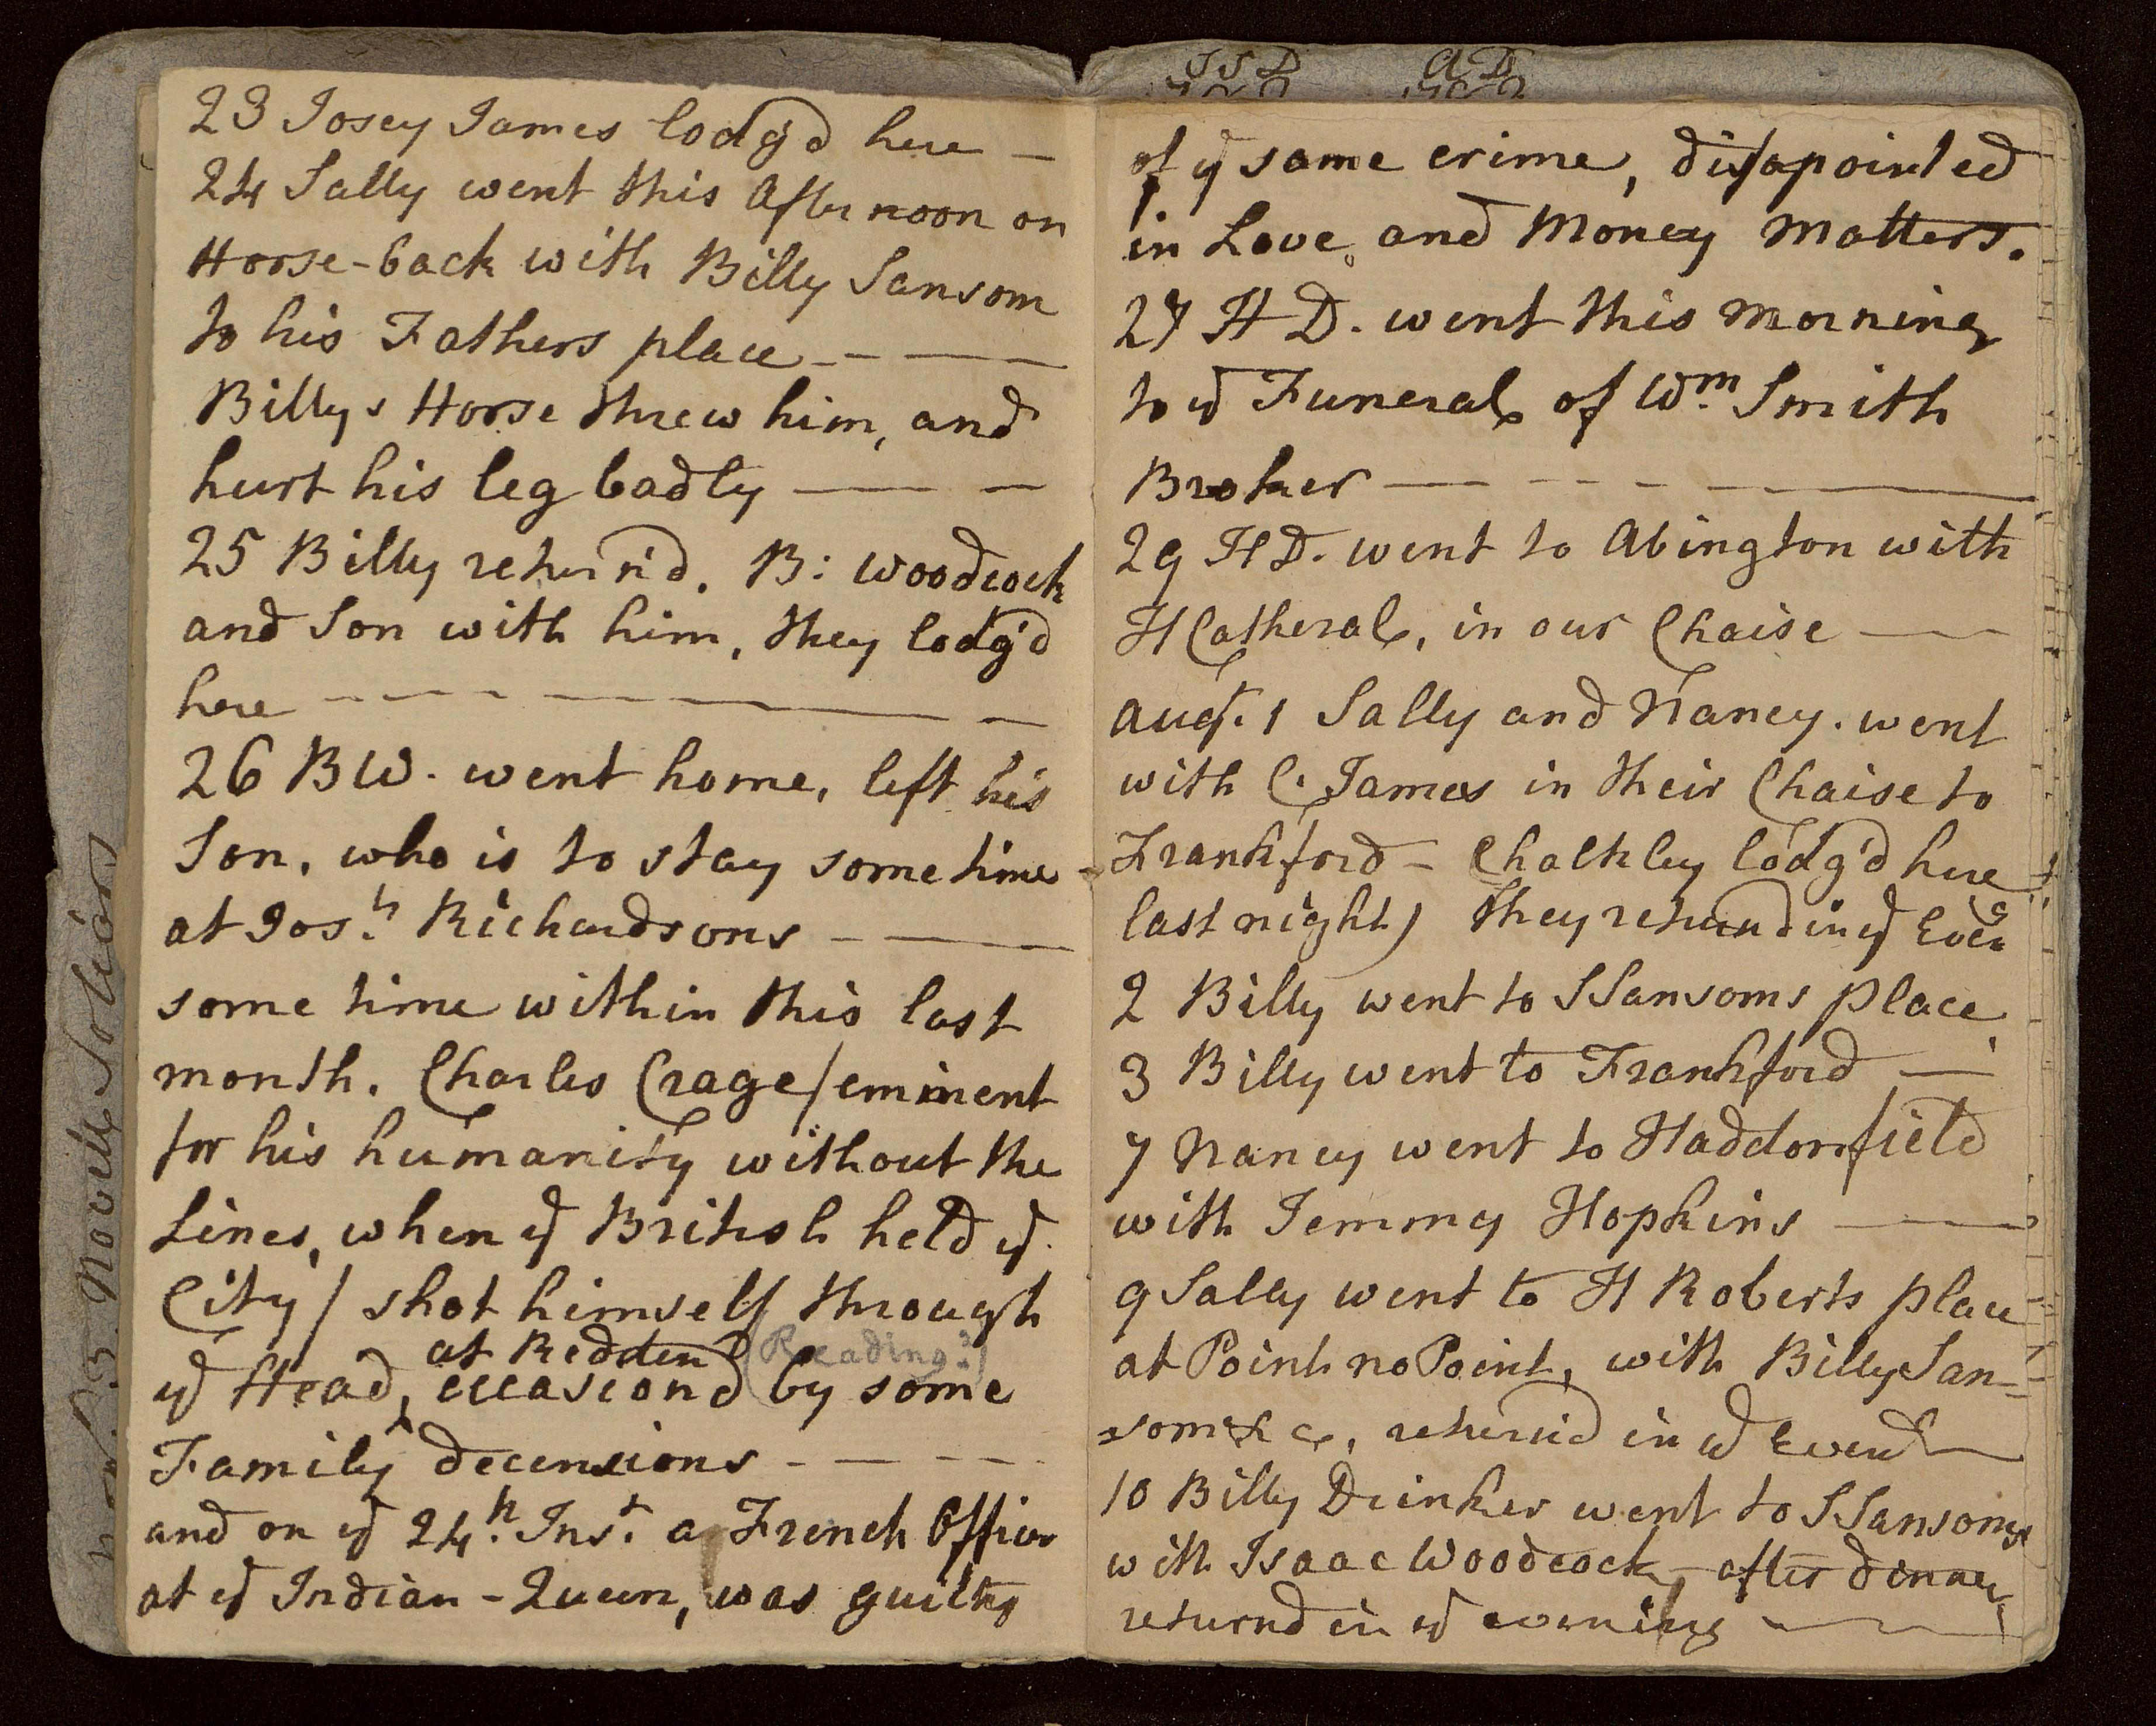23 Josey James lodg'd here-
24 Sally went this Afternoon on
Horse-back with Billy Sansom
to his Fathers place-
Billys Horse threw him, and
hurt his leg badly-
25 Billy return'd. B. Woodcock
and Son with him, they lodg'd
here
26 BW. went home, left his
Son, who is to stay some time
at Jos^h. Richerdsons-
some time within this last
month. Charles Crage /eminent
for his humanity without the
Lines, when y^e British held y^e
City/ shot himself through
as Ridden
y^e Head, occasiond by some
Family decensions---
and on y^e 24^h Ins^t. a French Officer
at y^e Indian- Queen was guilty
of y^e same crime, dissapointed
in Love and Money Matters.
27 HD. went this morning
to y^e Funeral of W^m. Smith
Broker-
29 HD. went to Abington with
H Catheral, in our Chaise-
Aug^t. 1 Sally and Nancy. went
with C. James in their Chaise to
Frankford- Chalkley lodg'd here
last night) they returnd in y^e Even^g
2 Billy went to S Sansoms place
3 Billy went to Frankford-
7 Nancy went to Haddonfield
with Jemmy Hopkins-
9 Sally went to H Roberts place
at Point no Point, with Billy San-
-som &c, return'd in y^e Even^g-
10 Billy Drinker went to S Sansoms
with Isace Woodcock after dinner
returnd in y^e evening